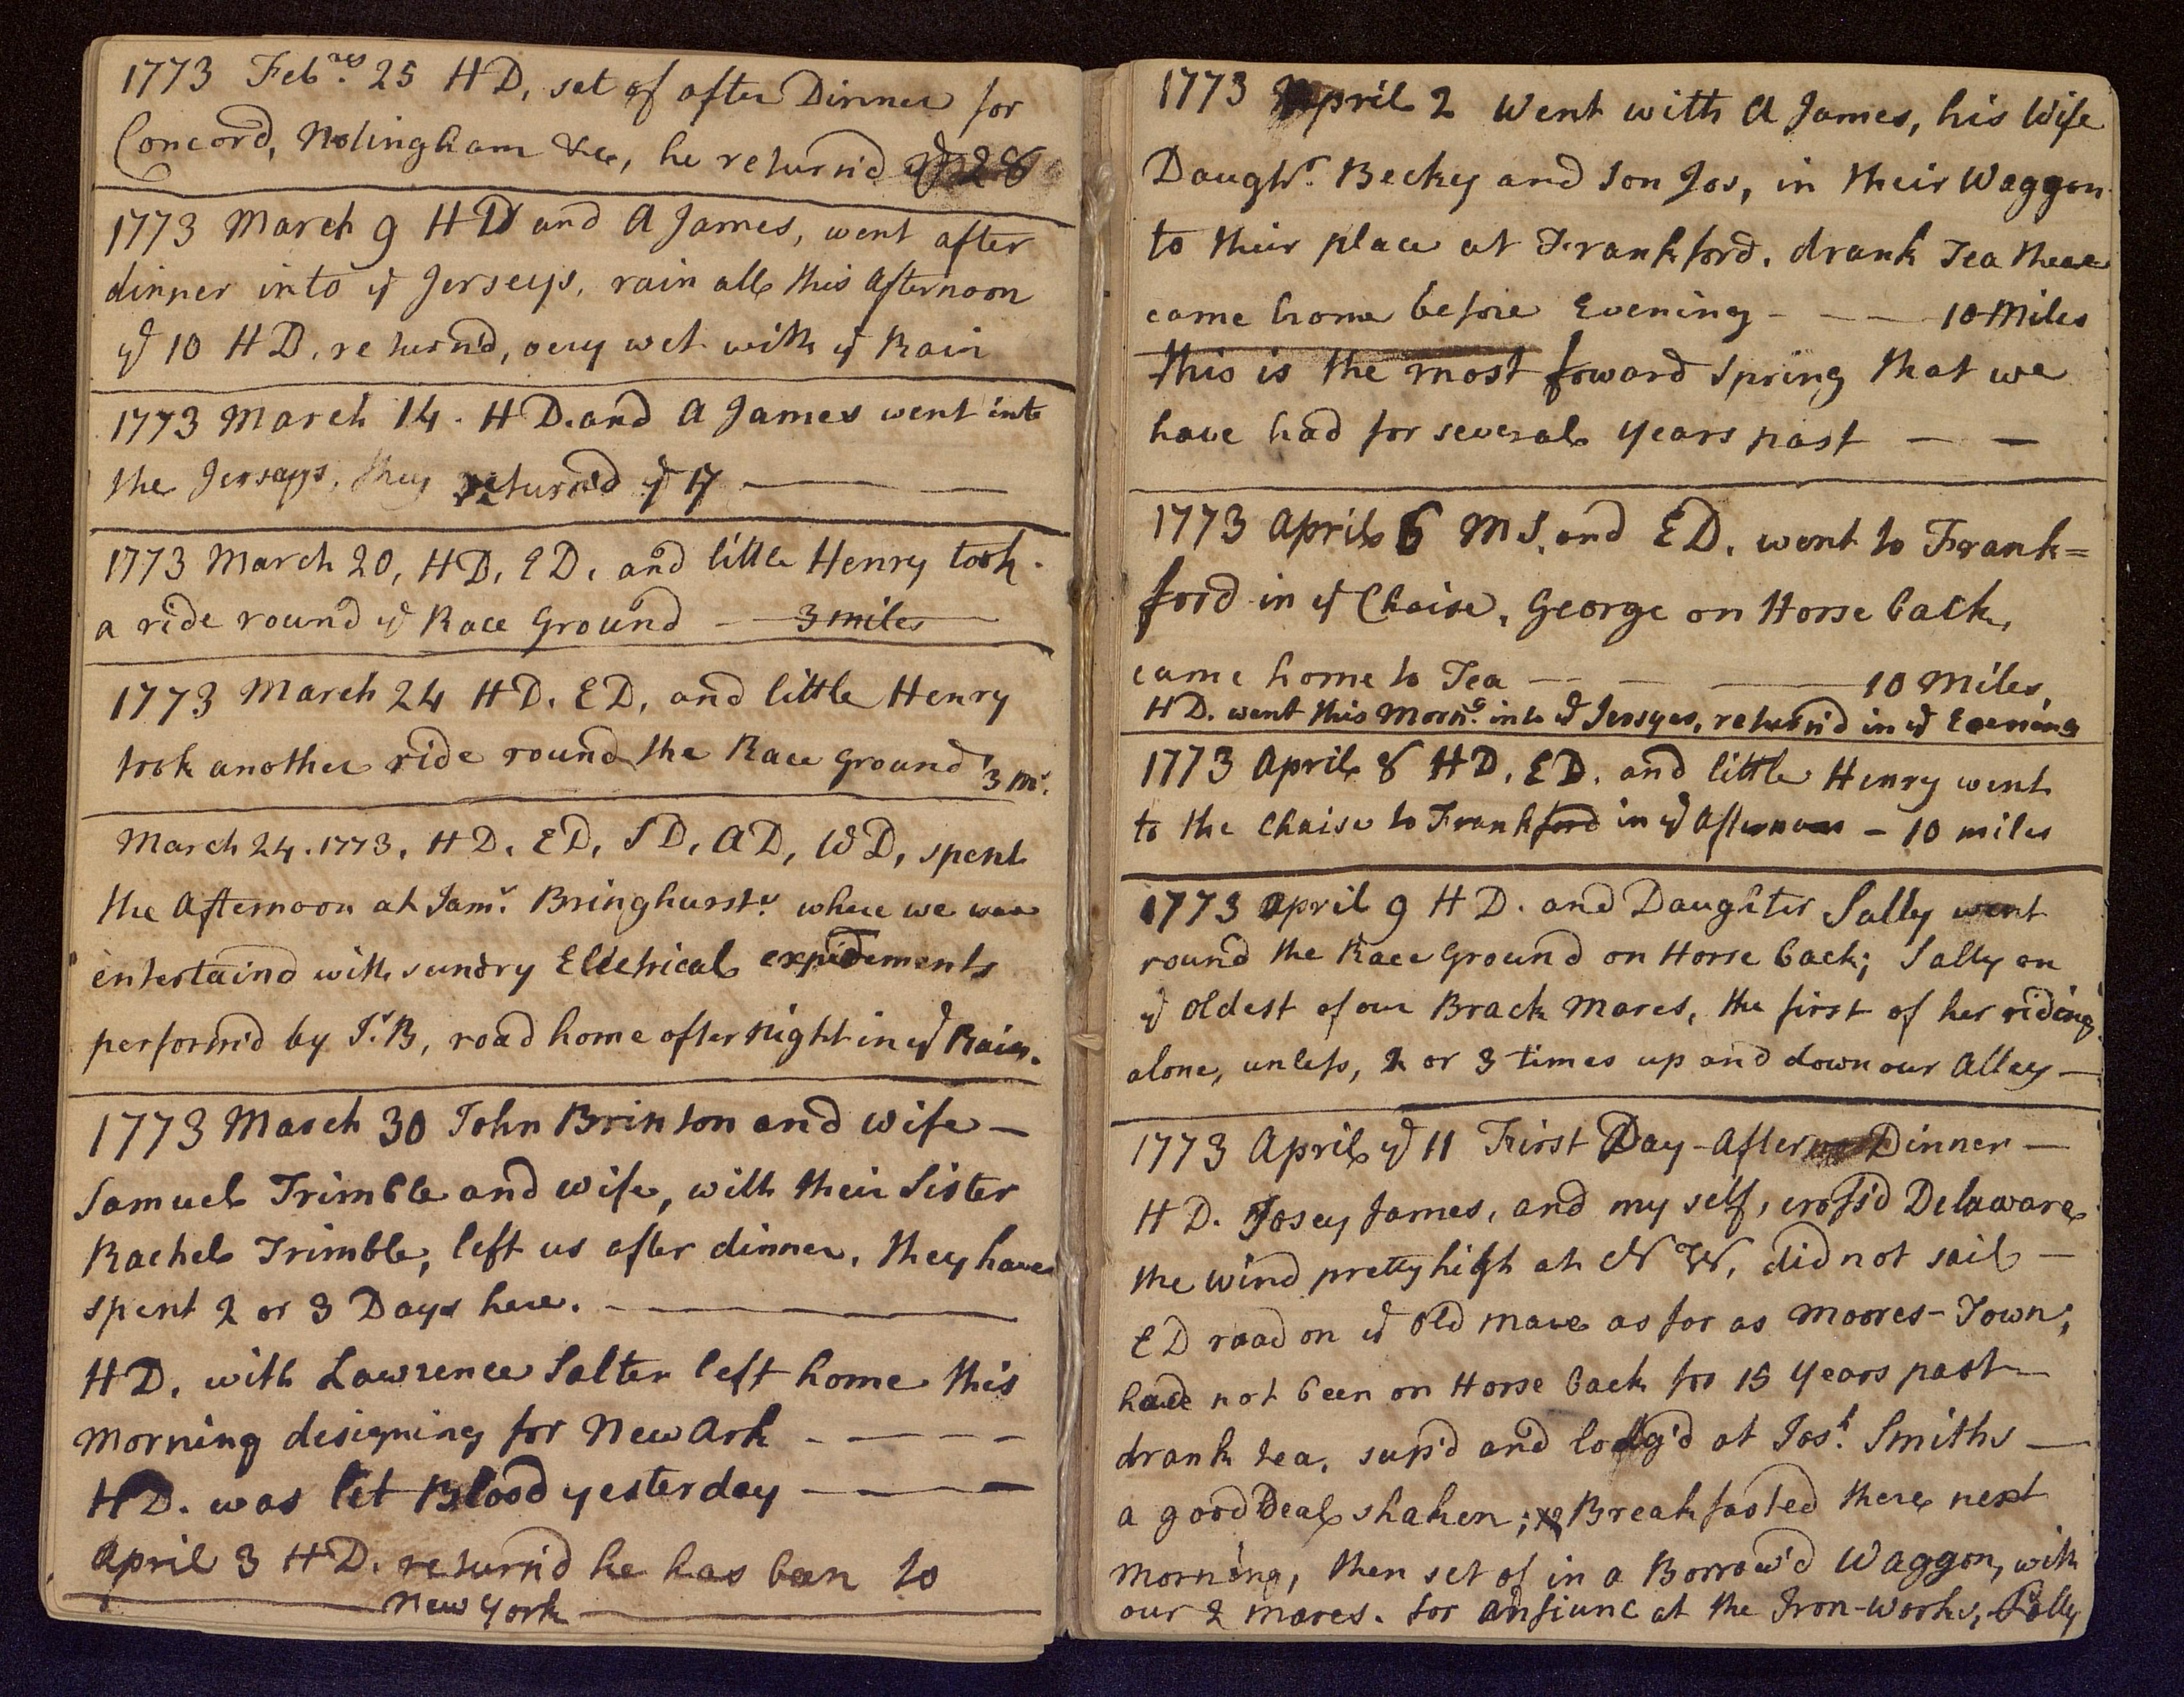1773 Feb^ry. 25 HD, set of after Dinner for
Concord, Notingham &c, he return'd [y^e 28]
1773 March 9 HD and A James, went after
dinner into y^e Jerseys, rain all this Afternoon
y^e 10 HD. return'd, very wet with y^e Rain
1773 March 14. HD. and A James went into
the Jersays, they return'd y^e 17-
1773 March 20, HD, ED, and little Henry took.
a ride round y Race Ground- 3 miles
1773 March 24 HD. ED, and little Henry
took another ride round the Race Ground 3m:
March 24. 1773, HD. ED. SD. AD, WD, spent
the Afternoon at Jam^s. Bringhurst^s. where we was
entertaind will sundry Electrical expi[r]ements
perform'd by I:B, road home after night in y^e Rain.
1773 March 30 John Brinton and Wife-
Samuel Trimble and Wife, with their Sister
Rachel Trimble, left us after dinner. they have
spent 2 or 3 Days here.-
HD. with Lawrence Salter left home this
Morning designing for New Ark-
HD. was let Blood yesterday-
April 3 HD. re return'd he has ban to
New York-
1773 [A]pril 2 Went with A James, his Wife
Daugh^r. Becky and Son Jos, in their Waggon
to their place at Frankford, drank Tea there
come home before Evening--- 10 Miles
this is the most foward Spring that we
have had for several years past-
1773 April & MS. and ED. went to Frank-
ford in y^e Chaise, George on Horse back,
came home to Tea-
10 Miles
HD. went this Morn^g. into y^e Jersyes, return'd in y^e Evening
1773 April 8 HD, ED. and little Henry went
to the chaise to Frankford in y^e Afternoons- 10 miles
1773 April 9 HD. and Daughter Sally want
round the Race Ground on Horse back; Sally on
y^e oldest of our Brack Mares, the first of her riding
alone, unless, 2 or 3 times up and down our Alley-
1773 April y^e 11 First Day- After Dinner-
HD. Josey James, and my self, cross'd Delaware
the wind pretty high at NW, did not sail-
ED road on y^e old mare as for as Moores-Town,
[had] not been on Horse back for 15 years past-
drank tea, sup'd and loglg'd at Jos^l. Smiths-
a good Deal shaken; [__] Breakfasted there next
Morning, then set of in a Borrow'd Waggon, with
our 2 mares. for ansiunc at the Iron works, Polly